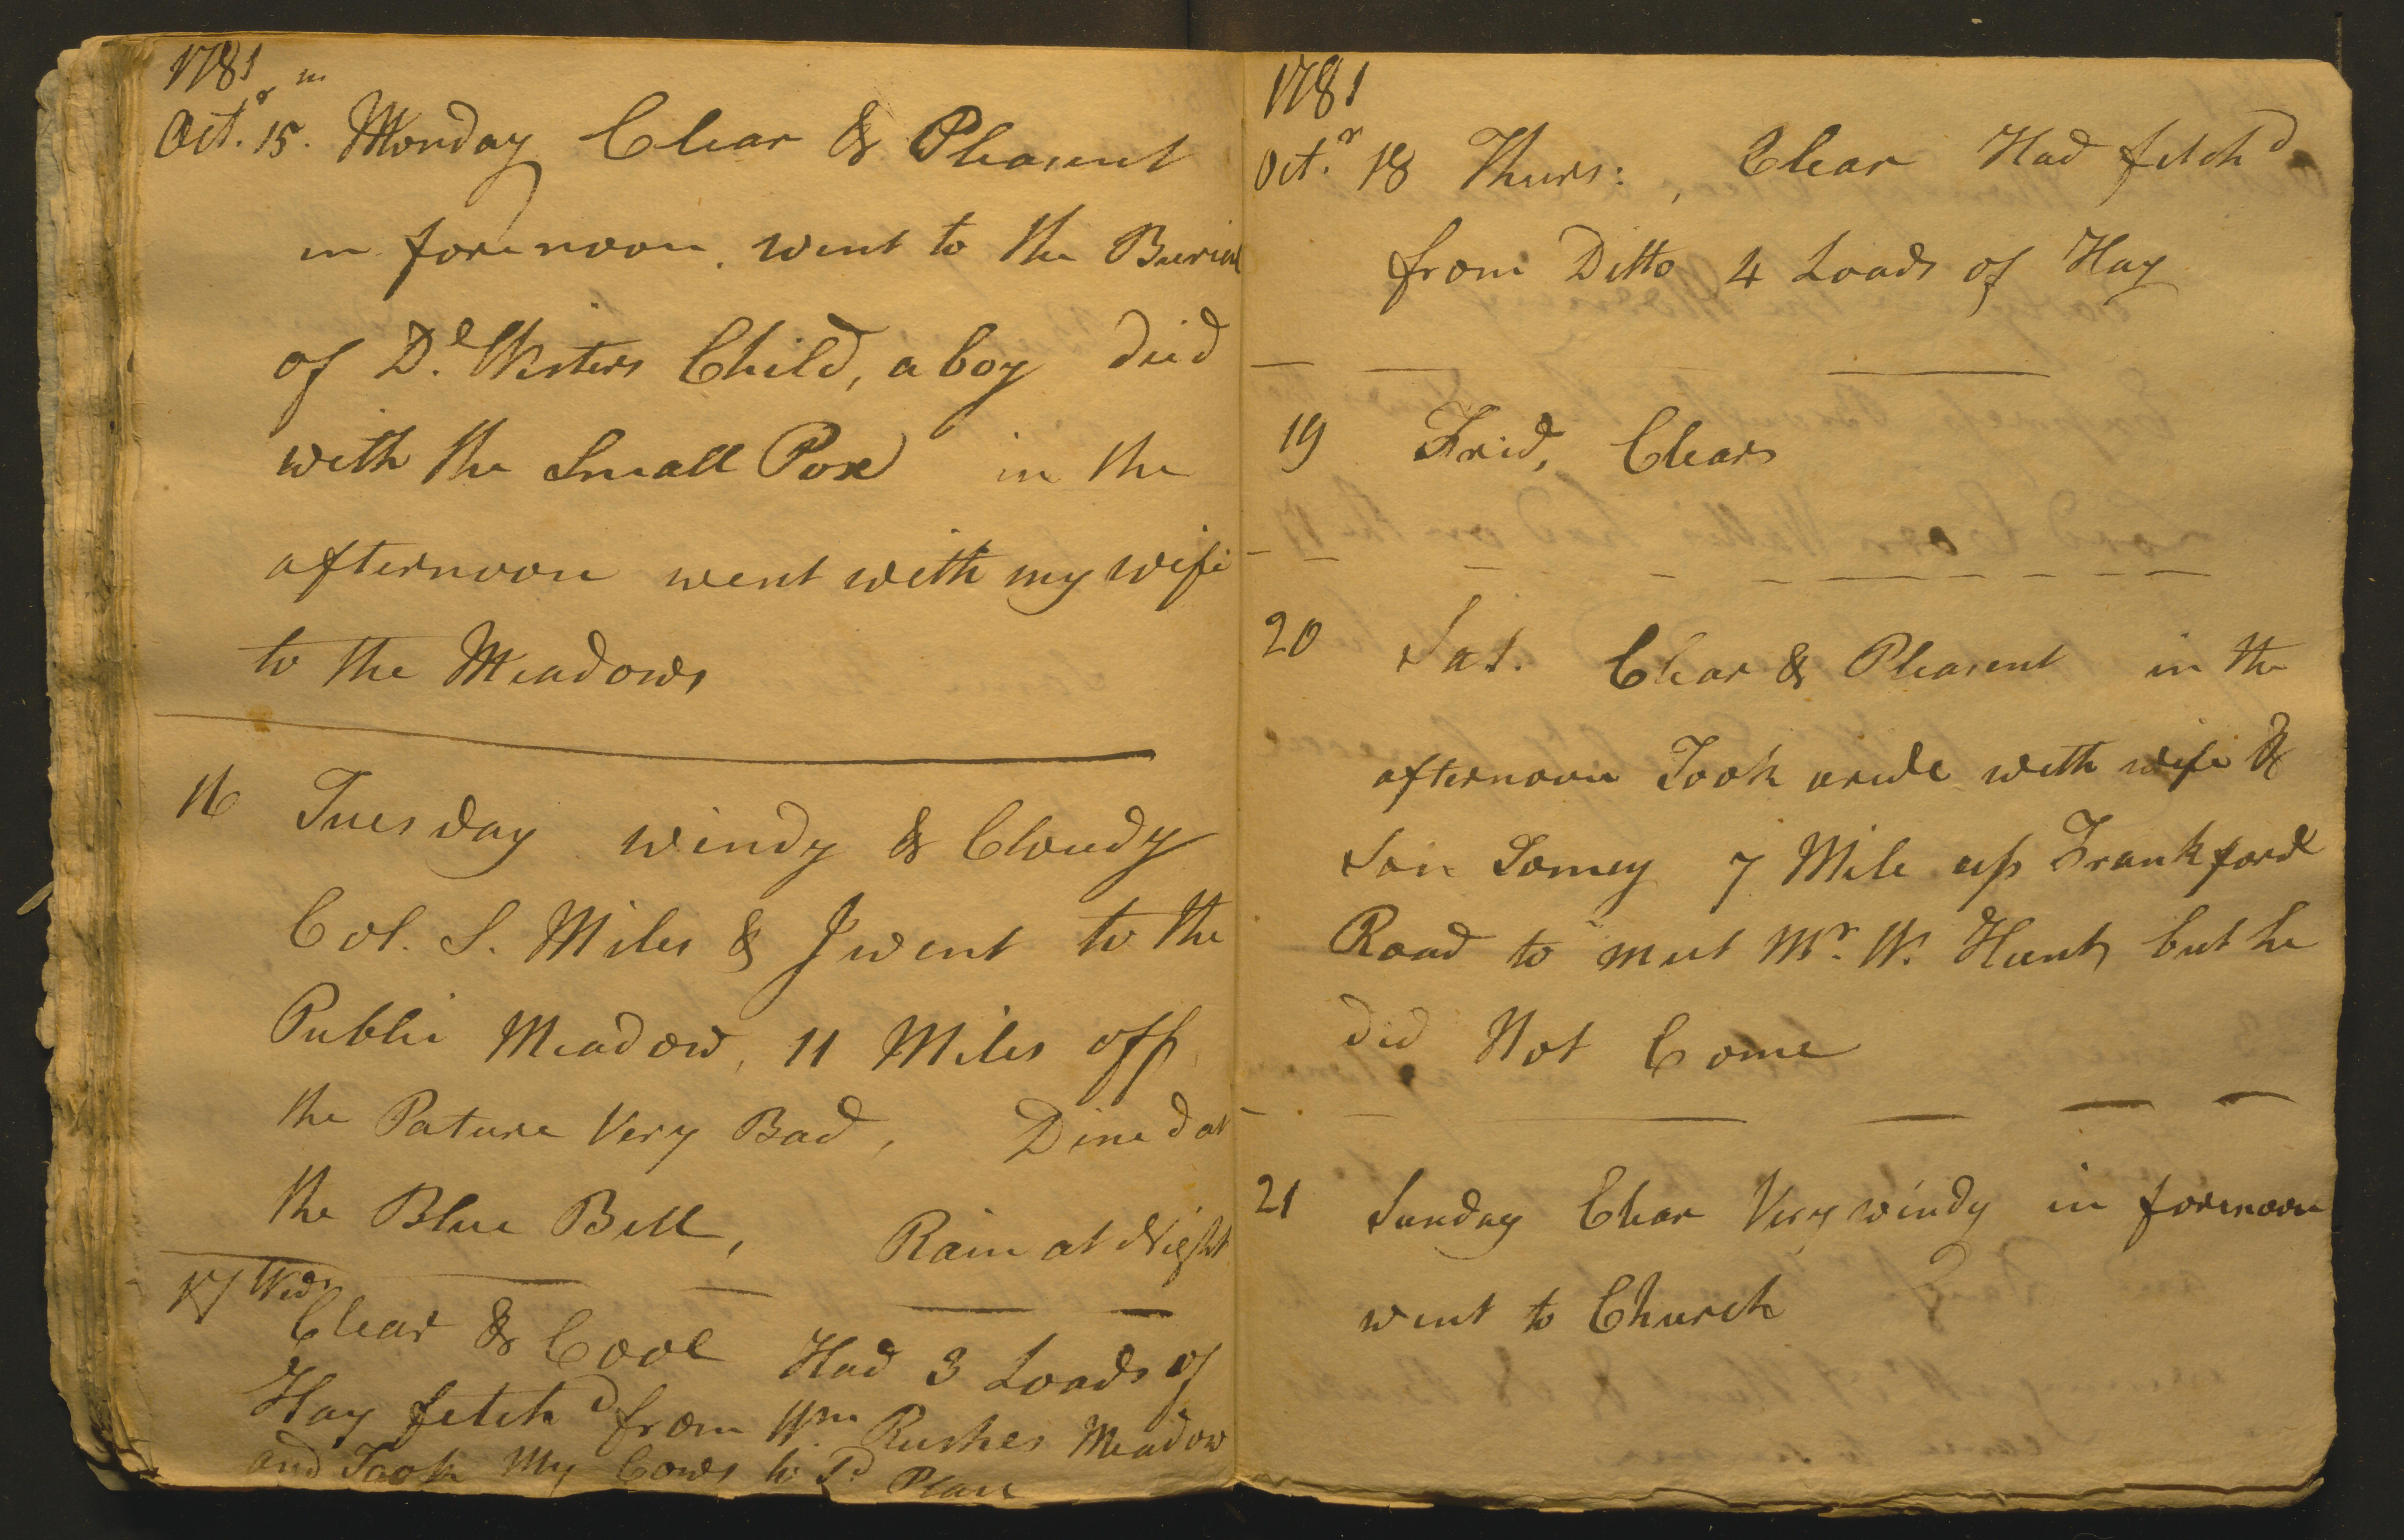1781
Oct^r. 15^th. Monday Clear & Pleasent
in forenoon went to the Burial
of D^l. Wisters Child a boy died
with the Small Pox in the
afternoon went with my wife
to the Meadows
16 Tuesday windy & Cloudy
Col. S. Miles & I went to the
Public Meadow, 11 Miles off
the Pature Very Bad, Dine'd at
the Bluce Bell, Rain at Night
17 Wed
Clear & Cool Had 3 Loads of
Hay fetch^d from W^m. Rushes Meadow
and Took My Cows to s^d. Place
1781
Oct^r. 18 Thurs: Clear Had fetch^d
from Ditto 4 Loads of Hay
19 Frid. Clear
20 Sat. Clear & Pleasent in the
afternoon Took a ride with wife &
Sane Tomey 7 Mile up Frankford
Road to meet M^r. W. Hunt but he
did Not Come
21 Sunday Clear Very windy in forenoon
went to Church